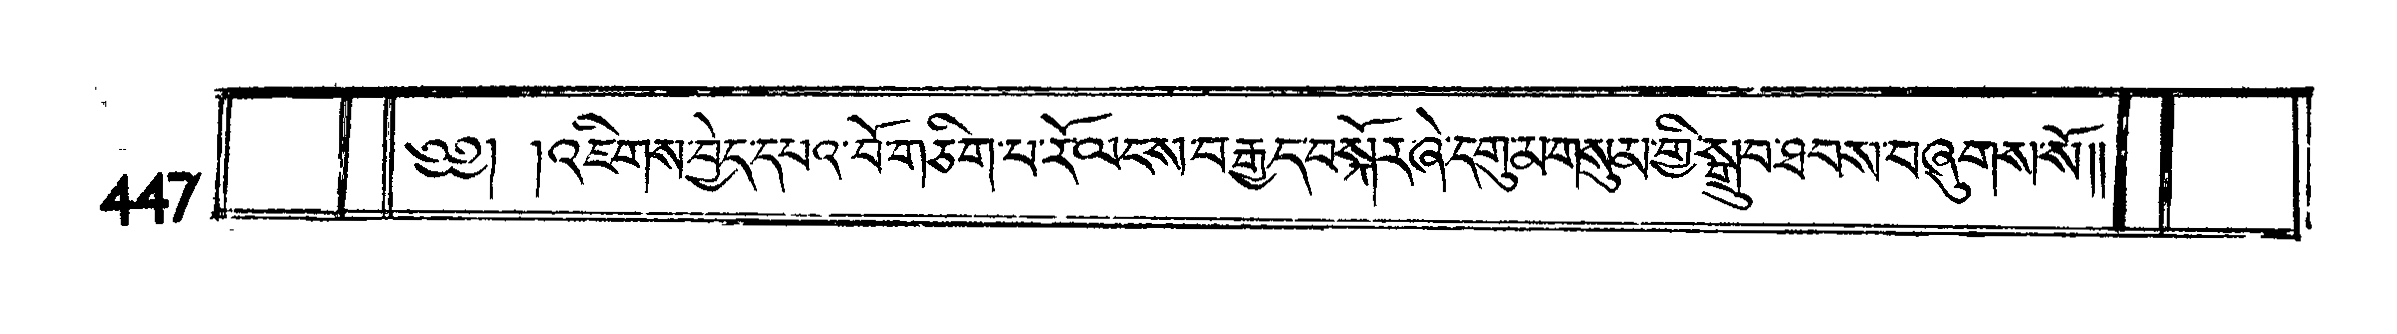༄༅། །འཇིགས་བྱེད་དཔའ་བོ་གཅིག་པ་རོ་ལངས་བརྒྱད་བསྐོར་ཞེ་དགུ་མ་གསུམ་གྱི་སྒྲུབ་ཐབས་བཞུགས་སོ། །